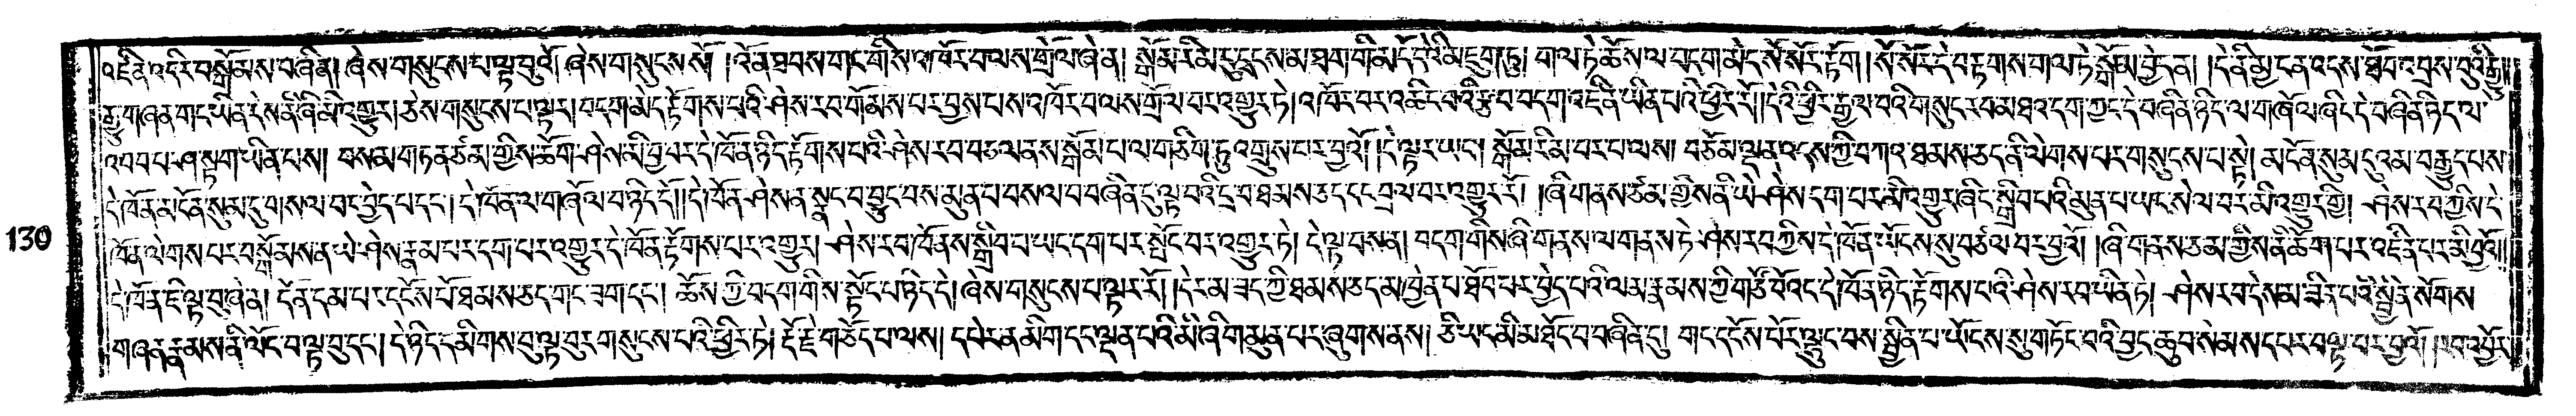འཛིན་འདིར་བསྒོམས་བཞིན། ཞེས་གསུངས་པ་ལྟ་བུའོ། ཞེས་གསུངས་སོ། །འོ་ན་ཐབས་གང་གིས་འཁོར་བ་ལས་གྲོལ་ཞེ་ན། སྒོམ་རིམ་དུ་དྲངས་མ་ཐག་གི་མདོ་དེའི་མཇུག་ཏུ། གལ་ཏེ་ཆོས་ལ་བདག་མེད་སོ་སོར་རྟོག །སོ་སོར་དེ་བརྟགས་གལ་ཏེ་སྒོམ་བྱེད་ན། །དེ་ནི་མྱ་ངན་འདས་ཐོབ་འབྲས་བུའི་རྒྱུ་
རྒྱུ་གཞན་གང་ཡིན་དེས་ནི་ཞེ་མི་འགྱུར། ཅེས་གསུངས་པ་ལྟར། བདག་མེད་རྟོགས་པའི་ཤེས་རབ་གོམས་པར་བྱས་པས་འཁོར་བ་ལས་གྲོལ་བར་འགྱུར་ཏེ། འཁོར་བར་འཆིང་བའི་རྩ་བ་བདག་འཛིན་ཡིན་པའི་ཕྱིར་རོ། །དེའི་ཕྱིར་རྒྱལ་བའི་གསུང་རབ་མཐའ་དག་ཀྱང་དེ་བཞིན་ཉིད་ལ་གཞོལ་ཞིང་དེ་བཞིན་ཉིད་ལ་
འབབ་པ་ཤ་སྟག་ཡིན་པས། བསམ་གཏན་ཙམ་གྱིས་ཆོག་ཤེས་མི་བྱ་བར་དེ་ཁོ་ན་ཉིད་རྟོགས་པའི་ཤེས་རབ་བཅལ་ནས་སྒོམ་པ་ལ་གཅིག་ཏུ་འགྲུས་པར་བྱའོ། །དེ་ལྟར་ཡང་། སྒོམ་རིམ་བར་པ་ལས། བཅོམ་ལྡན་འདས་ཀྱི་བཀའ་ཐམས་ཅད་ནི་ལེགས་པར་གསུངས་པ་སྟེ། མངོན་སུམ་དུའམ་བརྒྱུད་པས་
དེ་ཁོ་ན་མངོན་སུམ་དུ་གསལ་བར་བྱེད་པ་དང་། དེ་ཁོ་ན་ལ་གཞོལ་བ་ཉིད་དོ། །དེ་ཁོ་ན་ཤེས་ན་སྣང་བ་བྱུང་བས་མུན་པ་བསལ་བ་བཞིན་དུ་ལྟ་བའི་དྲ་བ་ཐམས་ཅད་དང་བྲལ་བར་འགྱུར་རོ། །ཞི་གནས་ཙམ་གྱིས་ནི་ཡེ་ཤེས་དག་པར་མི་འགྱུར་ཞིང་སྒྲིབ་པའི་མུན་པ་ཡང་སེལ་བར་མི་འགྱུར་གྱི། ཤེས་རབ་ཀྱིས་དེ་
ཁོ་ན་ལེགས་པར་བསྒོམས་ན་ཡེ་ཤེས་རྣམ་པར་དག་པར་འགྱུར་དེ་ཁོ་ན་རྟོགས་པར་འགྱུར། ཤེས་རབ་ཁོ་ནས་སྒྲིབ་པ་ཡང་དག་པར་སྤོང་བར་འགྱུར་ཏེ། དེ་ལྟ་བས་ན། བདག་གིས་ཞི་གནས་ལ་གནས་ཏེ་ཤེས་རབ་ཀྱིས་དེ་ཁོ་ན་ཡོངས་སུ་བཙལ་བར་བྱའོ། །ཞི་གནས་ཙམ་གྱིས་ནི་ཆོག་པར་འཛིན་པར་མི་བྱའོ།།
དེ་ཁོ་ན་ཇི་ལྟ་བུ་ཞེ་ན། དོན་དམ་པར་དངོས་པོ་ཐམས་ཅད་གང་ཟག་དང་། ཆོས་ཀྱི་བདག་གིས་སྟོང་པ་ཉིད་དེ། ཞེས་གསུངས་པ་ལྟར་རོ། །དེར་མ་ཟད་ཀྱི་ཐམས་ཅད་མཁྱེན་པ་ཐོབ་པར་བྱེད་པའི་ལམ་རྣམས་ཀྱི་གཙོ་བོའང་དེ་ཁོ་ན་ཉིད་རྟོགས་པའི་ཤེས་རབ་ཡིན་ཏེ། ཤེས་རབ་དེས་མ་ཟིན་པའི་སྦྱིན་སོགས་
གཞན་རྣམས་ནི་ལོང་བ་ལྟ་བུ་དང་། དེ་ཉིད་དམིགས་བུ་ལྟ་བུར་གསུངས་པའི་ཕྱིར་ཏེ། རྡོ་རྗེ་གཅོད་པ་ལས། དཔེར་ན་མིག་དང་ལྡན་པའི་མི་ཞིག་མུན་པར་ཞུགས་ནས། ཅི་ཡང་མི་མཐོང་བ་བཞིན་དུ། གང་དངོས་པོར་ལྷུང་བས་སྦྱིན་པ་ཡོངས་སུ་གཏོང་བའི་བྱང་ཆུབ་སེམས་དཔར་བལྟ་པར་བྱའོ། །རབ་འབྱོར་